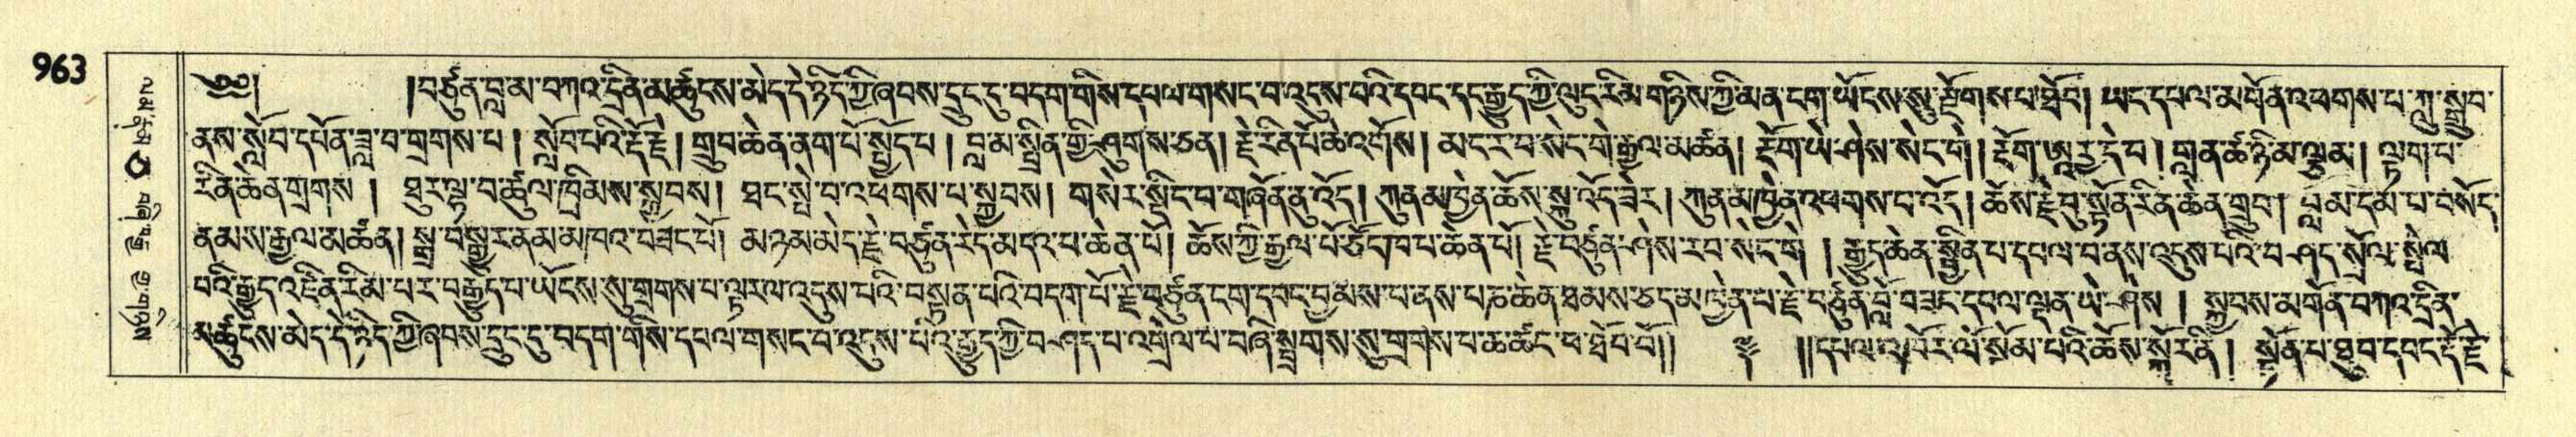༄༅། །བཙུན་བླ་མ་བཀའ་དྲིན་མཚུངས་མེད་དེ་ཉིད་ཀྱི་ཞབས་དྲུང་དུ་བདག་གིས་དཔལ་གསང་བ་འདུས་པའི་དབང་དང་རྒྱུད་ཀྱི་ལུང་རིམ་གཉིས་ཀྱི་མན་ངག་ཡོངས་སུ་རྫོགས་པ་ཐོབ། ཡང་དཔལ་མགོན་འཕགས་པ་ཀླུ་སྒྲུབ་
ནས་སློབ་དཔོན་ཟླ་བ་གྲགས་པ། སློབ་པའི་རྡོ་རྗེ། གྲུབ་ཆེན་ནག་པོ་སྤྱོད་པ། བླ་མ་སྤྲིན་གྱི་ཤུགས་ཅན། རྗེ་རིན་པོ་ཆེ་འགོས། མང་ར་བ་སེང་གེ་རྒྱལ་མཚན། རྡོག་ཡེ་ཤེས་སེང་གེ། རྡོག་ཨཱརྱ་དེ་བ། གླན་ཚ་ཉི་མ་ལྕམ། ལྟག་པ་
རིན་ཆེན་གྲགས། ཐུར་ལྷ་བ་ཚུལ་ཁྲིམས་སྐྱབས། ཐང་སྤེ་བ་འཕགས་པ་སྐྱབས། གསེར་སྡིང་པ་གཞོན་ནུ་འོད། ཀུན་མཁྱེན་ཆོས་སྐུ་འོད་ཟེར། ཀུན་མཁྱེན་འཕགས་པ་འོད། ཆོས་རྗེ་བུ་སྟོན་རིན་ཆེན་གྲུབ། བླ་མ་དམ་པ་བསོད་
ནམས་རྒྱལ་མཚན། སྒྲ་བསྒྱུར་ནམ་མཁའ་བཟང་པོ། མཉམ་མེད་རྗེ་བཙུན་རེད་མདའ་པ་ཆེན་པོ། ཆོས་ཀྱི་རྒྱལ་པོ་ཙོང་ཁ་པ་ཆེན་པོ། རྗེ་བཙུན་ཤེས་རབ་སེང་གེ །རྒྱུད་ཆེན་སྦྱིན་པ་དཔལ་བ་ནས་འདུས་པའི་བཤད་སྲོལ་སྤེལ་
པའི་རྒྱུད་འཛིན་རིམ་པར་བརྒྱུད་པ་ཡོངས་སུ་གྲགས་པ་ལྟར་ལ་འདུས་པའི་བསྟན་པའི་བདག་པོ་རྗེ་བཙུན་ངག་དབང་བྱམས་པ་ནས་པཎ་ཆེན་ཐམས་ཅད་མཁྱེན་པ་རྗེ་བཙུན་བློ་བཟང་དཔལ་ལྡན་ཡེ་ཤེས། སྐྱབས་མགོན་བཀའ་དྲིན་
མཚུངས་མེད་དེ་ཉིད་ཀྱི་ཞབས་དྲུང་དུ་བདག་གིས་དཔལ་གསང་བ་འདུས་པའི་རྒྱུད་ཀྱི་བཤད་པ་འགྲེལ་པ་བཞི་སྤྲགས་སུ་གྲགས་པ་ཆ་ཚང་ཕ་ཐོབ་བོ།། ༈ །།དཔལ་འཁོར་ལོ་སྒོམ་པའི་ཆོས་སྐོར་ནི། སྟོན་པ་ཐུབ་དབང་རྡོ་རྗེ་